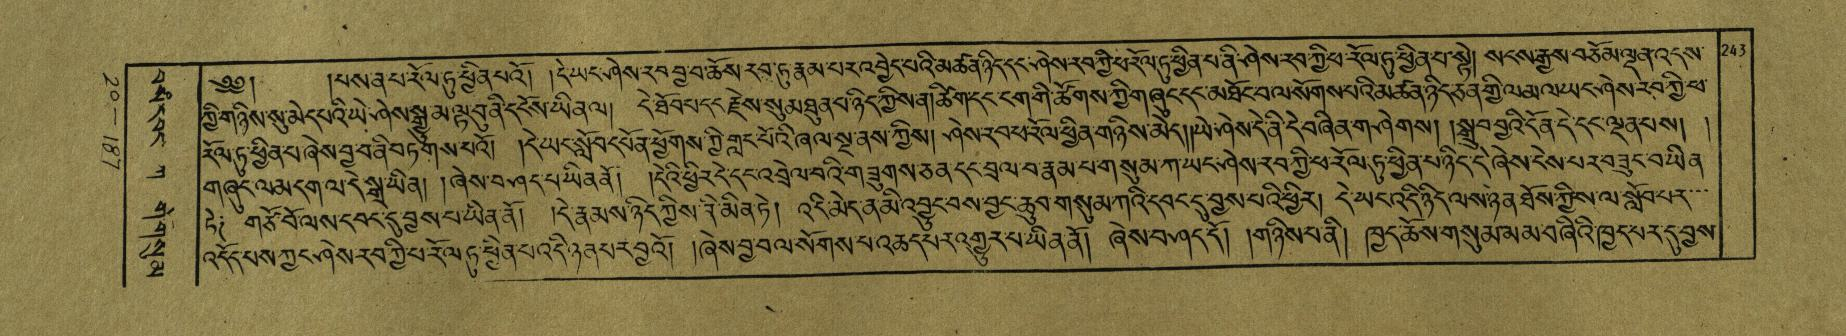༄༅། །པས་ན་ཕ་རོལ་ཏུ་ཕྱིན་པའོ། །དེ་ཡང་ཤེས་རབ་བྱ་བ་ཆོས་རབ་ཏུ་རྣམ་པར་འབྱེད་པའི་མཚན་ཉིད་དང་ཤེས་རབ་ཀྱི་ཕ་རོལ་ཏུ་ཕྱིན་པ་ནི་ཤེས་རབ་ཀྱི་ཕ་རོལ་ཏུ་ཕྱིན་པ་སྟེ། སངས་རྒྱས་བཅོམ་ལྡན་འདས་
ཀྱི་གཉིས་སུ་མེད་པའི་ཡེ་ཤེས་སྒྱུ་མ་ལྟ་བུ་ནི་དངོས་ཡིན་ལ། དེ་ཐོབ་པ་དང་རྗེས་སུ་མཐུན་པ་ཉིད་ཀྱིས་ན། ཚིག་དང་ངག་གི་ཚོགས་ཀྱི་གཞུང་དང་མཐོང་བ་ལ་སོགས་པའི་མཚན་ཉིད་ཅན་གྱི་ལམ་ལ་ཡང་ཤེས་རབ་ཀྱི་ཕ་
རོལ་ཏུ་ཕྱིན་པ་ཞེས་བྱ་བ་ནི་བཏགས་པའོ། །དེ་ཡང་སློབ་དཔོན་ཕྱོགས་ཀྱི་གླང་པོའི་ཞལ་སྔ་ནས་ཀྱིས། ཤེས་རབ་ཕ་རོལ་ཕྱིན་གཉིས་མེད། །ཡེ་ཤེས་དེ་ནི་དེ་བཞིན་གཤེགས། །སྒྲུབ་བྱའི་དོན་དེ་དང་ལྡན་པས། །
གཞུང་ལམ་དག་ལ་དེ་སྒྲ་ཡིན། །ཞེས་བཤད་པ་ཡིན་ནོ། །དེའི་ཕྱིར་དེ་དང་འབྲེལ་བའི་གཟུགས་ཅན་དང་བྲལ་བ་རྣམ་པ་གསུམ་ཀ་ཡང་ཤེས་རབ་ཀྱི་ཕ་རོལ་ཏུ་ཕྱིན་པ་ཉིད་དེ་ཞེས་ངེས་པར་བཟུང་བ་ཡིན་
ཏེ༑ གཙོ་བོ་ལས་དབང་དུ་བྱས་པ་ཡིན་ནོ། །དེ་རྣམས་ཉིད་ཀྱིས་ནི་མིན་ཏེ། འདི་མེད་ན་མི་འབྱུང་བས་བྱང་ཆུབ་གསུམ་ཀའི་དབང་དུ་བྱས་པའི་ཕྱིར། དེ་ཡང་འདི་ཉིད་ལས་ཉན་ཐོས་ཀྱིས་ལ་སློབ་པར་
འདོད་པས་ཀྱང་ཤེས་རབ་ཀྱི་ཕ་རོལ་ཏུ་ཕྱིན་པ་འདི་ཉན་པར་བྱའོ། །ཞེས་བྱ་བ་ལ་སོགས་པ་འཆད་པར་འགྱུར་པ་ཡིན་ནོ། ཞེས་བཤད་དོ། །གཉིས་པ་ནི། ཁྱད་ཆོས་གསུམ་མམ་བཞིའི་ཁྱད་པར་དུ་བྱས་